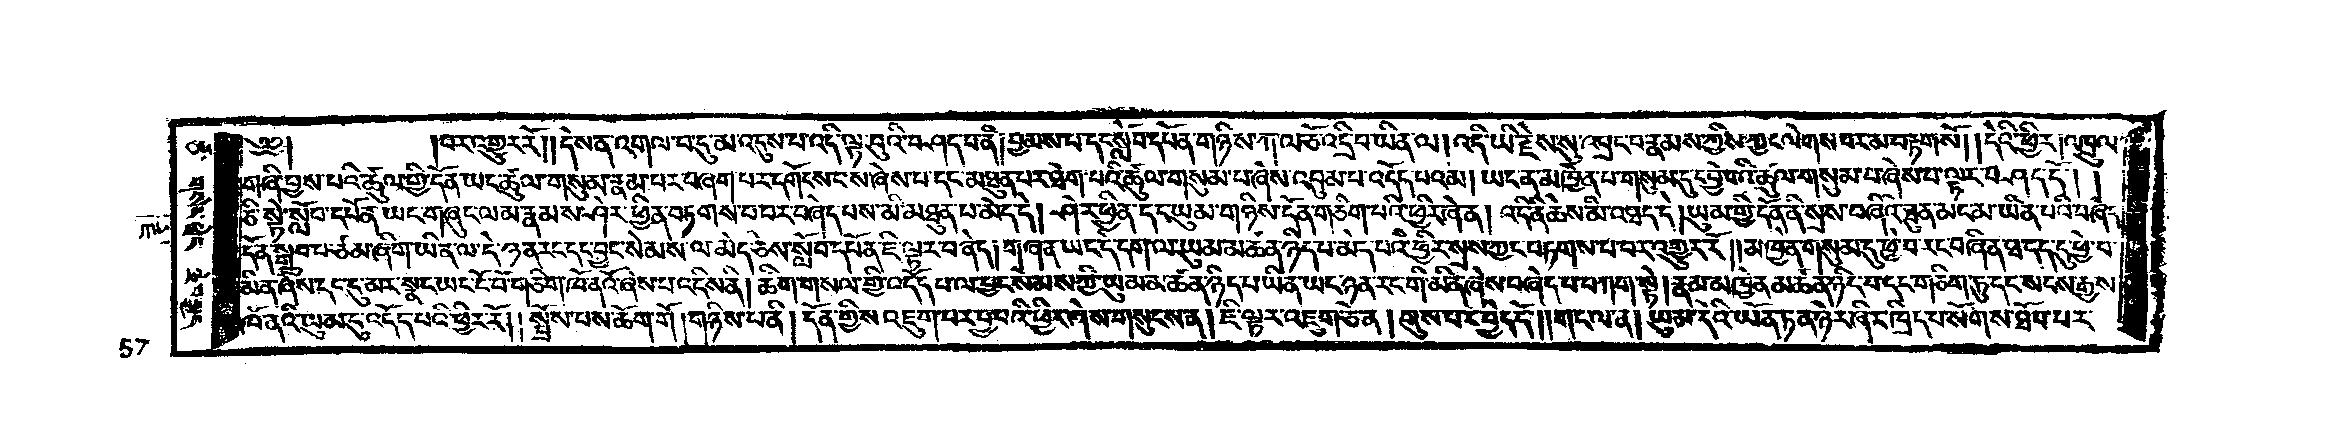༄༅། །པར་འགྱུར་རོ། །དེས་ན་འགལ་བ་དུ་མ་འདུས་པ་འདི་ལྟ་བུའི་བཤད་པ་ནི། བྱམས་པ་དང་སློབ་དཔོན་གཉིས་ཀ་ལ་ཅོ་འདྲི་བ་ཡིན་ལ། འདི་ཡི་རྗེས་སུ་འབྲང་བ་རྣམས་ཀྱིས་ཀྱང་ལེགས་པར་མ་བརྟགས་སོ། །དེའི་ཕྱིར། འཁྲུལ་
གཞི་བྱས་པའི་ཚུལ་གྱི་དོན་ཡང་ཚུལ་གསུམ་རྣམ་པར་བཞག་པར་དགོངས་པས་ཞེས་པ་དང་མཐུན་པར་ཐེག་པའི་ཚུལ་གསུམ་པ་ཞེས་འབུམ་པ་འདོད་པའམ། ཡང་ན་མཁྱེན་པ་གསུམ་དུ་དབྱེ་བའི་ཚུལ་གསུམ་པ་ཞེས་པ་ལྟར་བཤད་དོ། །
ཅི་སྟེ་སློབ་དཔོན་ཡང་གཞུང་ལམ་རྣམས་ཤེར་ཕྱིན་བཏགས་པ་བར་བཞེད་པས་མི་མཐུན་པ་མེད་དེ། ཤེར་ཕྱིན་དང་ཡུམ་གཉིས་དོན་གཅིག་པའི་ཕྱིར་ཞེ་ན། འདི་ནི་ཆེས་མི་འཐད་དེ། ཡུམ་གྱི་དོན་ནི་སྲས་བཞིའི་ཐུན་མོང་མ་ཡིན་པའི་བཞེད་
དོན་སྒྲུབ་པ་ཙམ་ཞིག་ཡིན་ལ་དེ་ཉན་རང་དང་བྱང་སེམས་ལ་མེད་ཅེས་སློབ་དཔོན་ཇི་ལྟར་བཞེད། གཞན་ཡང་དེ་དག་ལ་ཡུམ་མཚན་ཉིད་པ་མེད་པའི་ཕྱིར་སྲས་ཀྱང་བཏགས་པ་བར་འགྱུར་རོ། །མཁྱེན་གསུམ་དུ་ཕྱེ་བ་རང་བཞིན་ཐ་དད་དུ་ཕྱེ་བ་
མིན་ཞེས་དང་དུ་མར་སྣང་ཡང་ངོ་བོ་གཅིག་ཁོ་ནའོ་ཞེས་པ་འདིས་ནི། ཚིག་གསལ་གྱི་འདོད་པ་ལ་བྱང་སེམས་ཀྱི་ཡུམ་མཚན་ཉིད་པ་ཡིན་ཡང་ཉན་རང་གི་མིན་ཞེས་བཞེད་པ་བཀག་སྟེ། རྣམ་མཁྱེན་མཚན་ཉིད་པ་དང་གཅིག་ཏུ་དང་སངས་རྒྱས་
ཁོ་ནའི་ཡུམ་དུ་འདོད་པའི་ཕྱིར་རོ། །སྤྲོས་པས་ཆོག་གོ །གཉིས་པ་ནི། དོན་གྱིས་འཇུག་པར་བྱ་བའི་ཕྱིར་ཞེས་གསུངས་ན། ཇི་ལྟར་འཇུག་ཅེ་ན། གུས་པར་བྱེད་དོ། །གང་ལ་ན། ཡུམ་དེའི་ཡོན་ཏན་ཉེར་ཞིར་ཁྲིད་པ་སོགས་ཐོབ་པར་